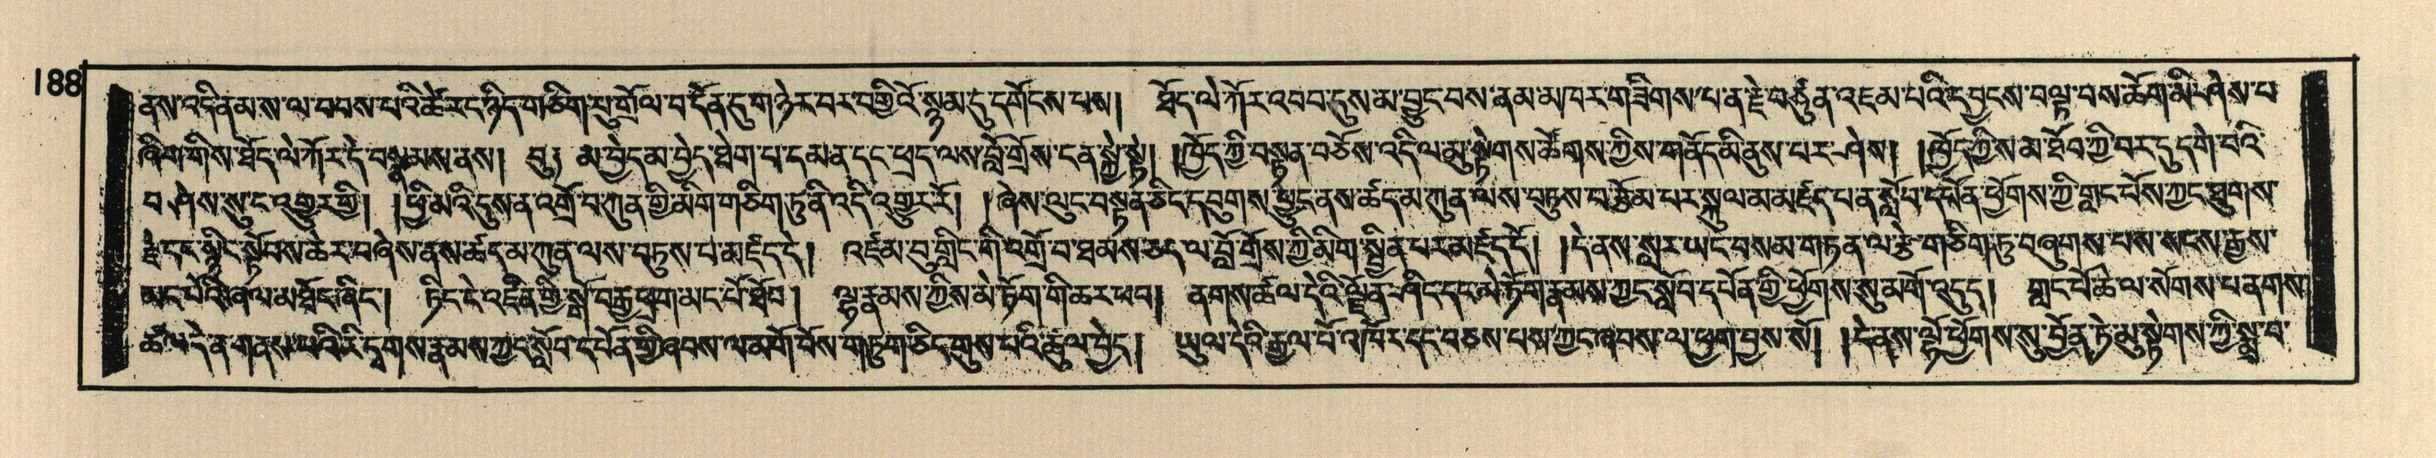ནས་འདི་ནམས་ལ་བབས་པའི་ཚེ་རང་ཉིད་གཅིག་པུ་གྲོལ་བ་དོན་དུ་གཉེར་བར་བགྱིའོ་སྙམ་དུ་དགོངས་པས། ཐོད་ལེ་ཀོར་འབབ་དུས་མ་བྱུང་བས་ནམ་མཁར་གཟིགས་པ་ན་རྗེ་བཙུན་འཇམ་པའི་དབྱངས་བལྟ་བས་ཆོག་མི་ཤེས་པ་
ཞིག་གིས་ཐོད་ལེ་ཀོར་དེ་བསྣམས་ནས། བུ༑ མ་བྱེད་མ་བྱེད་ཐེག་པ་དམན་དང་ཕྲད་ལས་བློ་གྲོས་ངན་སྐྱེ་སྟེ། །ཁྱོད་ཀྱི་བསྟན་བཅོས་འདི་ལ་མུ་སྟེགས་ཚོགས་ཀྱིས་གནོད་མི་ནུས་པར་ཤེས། །ཁྱོད་ཀྱིས་མ་ཐོབ་ཀྱི་བར་དུ་དགེ་པའི་
བཤེས་སུ་ང་འགྱུར་གྱི། །ཕྱི་མའི་དུས་ན་འགྲོ་བ་ཀུན་གྱི་མིག་གཅིག་ཏུ་ནི་འདི་འགྱུར་རོ། །ཞེས་ལུང་བསྟན་ཅིང་དབུགས་ཕྱུང་ནས་ཚད་མ་ཀུན་ལས་བཏུས་བ་རྩོམ་པར་སྐུལ་མཛད་པ་ན་སློབ་དཔོན་ཕྱོགས་ཀྱི་གླང་པོས་ཀྱང་ཐུགས་
རྗེ་དང་སྙིང་སྟོབས་ཆེར་བཞེས་ནས་ཚད་མ་ཀུན་ལས་བཏུས་པ་མཛད་དེ། འཛམ་བུ་གླིང་གི་འགྲོ་བ་ཐམས་ཅད་ལ་བློ་གྲོས་ཀྱི་མིག་སྦྱིན་པར་མཛད་དོ། །དེ་ནས་སླར་ཡང་བསམ་གཏན་ལ་རྩེ་གཅིག་ཏུ་བཞུགས་པས་སངས་རྒྱས་
མང་བོའི་ཞལ་མཐོང་ཞིང་། ཏིང་ངེ་འཛིན་གྱི་སྒོ་བརྒྱ་ཕྲག་མང་པོ་ཐོབ། ལྷ་རྣམས་ཀྱིས་མེ་ཏོག་གི་ཆར་ཕབ། ནགས་ཚལ་དེའི་ལྗོན་ཤིང་དང་མེ་ཏོག་རྣམས་ཀྱང་སློབ་དཔོན་གྱི་ཕྱོགས་སུ་མགོ་འདུད། གླང་པོ་ཆེ་ལ་སོགས་པ་ནགས་
ཚལ་དེ་ན་གནས་པའི་རི་དྭགས་རྣམས་ཀྱང་སློབ་དཔོན་གྱི་ཞབས་ལ་མགོ་བོས་གཏུག་ཅིང་གུས་པའི་ཚུལ་བྱེད། ཡུལ་དེའི་རྒྱལ་པོ་འཁོར་དང་བཅས་པས་ཀྱང་ཞབས་ལ་ཕྱག་བྱས་སོ། །དེ་ནས་ལྷོ་ཕྱོགས་སུ་བྱོན་ཏེ་མུ་སྟེགས་ཀྱི་སྨྲ་བ་